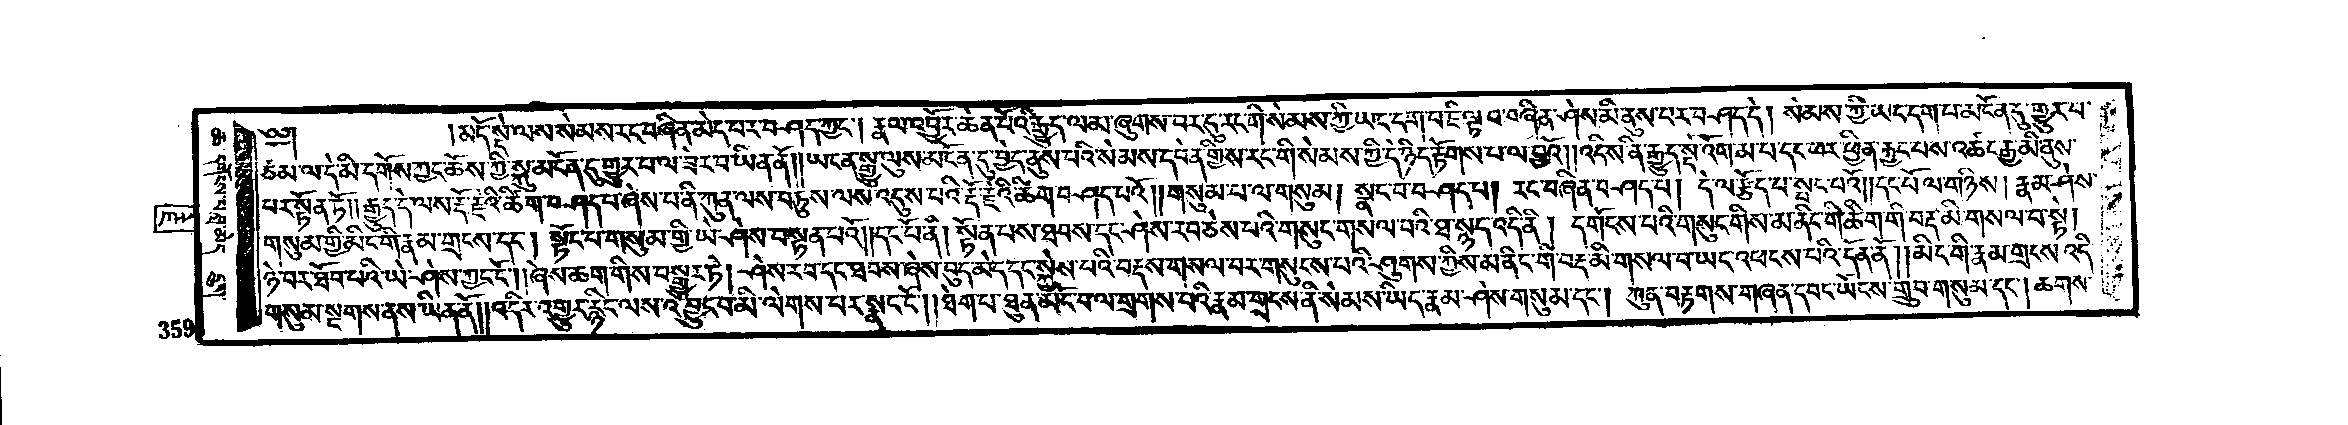༄༅། །མདོ་སྡེ་ལས་སེམས་རང་བཞིན་མེད་པར་བཤད་ཀྱང་། རྣལ་འབྱོར་ཆེན་པོའི་རྒྱུད་ལམ་ཞུགས་བར་དུ་རང་གི་སེམས་ཀྱི་ཡང་དག་པ་ཇི་ལྟ་བ་བཞིན་ཤེས་མི་ནུས་པར་བཤད་དེ། སེམས་ཀྱི་ཡང་དག་པ་མངོན་དུ་གྱུར་པ་
ཙམ་ལ་དེ་མི་དགོས་ཀྱང་ཆོས་ཀྱི་སྐུ་མངོན་དུ་གྱུར་པ་ལ་ཟེར་བ་ཡིན་ནོ། །ཡང་ན་སྒྱུ་ལུས་མངོན་དུ་བྱེད་ནུས་པའི་སེམས་དབེན་གྱིས་རང་གི་སེམས་ཀྱི་དེ་ཉིད་རྟོགས་པ་ལ་བྱའོ། །འདིས་ནི་རྒྱུད་སྡེ་འོག་མ་པ་དང་ཕར་ཕྱིན་རྐྱང་པས་འཚང་རྒྱ་མི་ནུས་
པར་སྟོན་ཏོ། །རྒྱུད་དེ་ལས་རྡོ་རྗེའི་ཚིག་བཤད་པ་ཞེས་པ་ནི་ཀུན་ལས་བཏུས་ལས་འདུས་པའི་རྡོ་རྗེའི་ཚིག་བཤད་པའོ། །གསུམ་པ་ལ་གསུམ། སྣང་བ་བཤད་པ། རང་བཞིན་བཤད་པ། དེ་ལ་རྩོད་པ་སྤང་བའོ། །དང་པོ་ལ་གཉིས། རྣམ་ཤེས་
གསུམ་གྱི་མིང་གི་རྣམ་གྲངས་དང་། སྟོང་པ་གསུམ་གྱི་ཡེ་ཤེས་བསྟན་པའོ། །དང་པོ་ནི། སྟོན་པས་ཐབས་དང་ཤེས་རབ་ཅེས་པའི་གསུང་གསལ་བའི་ཐ་སྙད་འདི་ནི། དགོངས་པའི་གསུང་གིས་མ་ནིང་གི་ཚིག་གི་བརྡ་མི་གསལ་བ་སྟེ།
ཉེ་བར་ཐོབ་པའི་ཡེ་ཤེས་ཀྱང་ངོ། །ཞེས་ཆག་གིས་བསྒྱུར་ཏེ། ཤེས་རབ་དང་ཐབས་ཞེས་བུད་མེད་དང་སྐྱེས་པའི་བརྡས་གསལ་བར་གསུངས་པའི་ཤུགས་ཀྱིས་མ་ནིང་གི་བརྡ་མི་གསལ་བ་ཡང་འཕངས་པའི་དོན་ནོ། །མིང་གི་རྣམ་གྲངས་འདི་
གསུམ་སྔགས་ནས་ཡིན་ནོ། །འདིར་འགྱུར་རྙིང་ལས་འབྱུང་བ་མི་ལེགས་པར་སྣང་ངོ། །ཐེག་པ་ཐུན་མོང་བ་ལ་གྲགས་པའི་རྣམ་གྲངས་ནི་སེམས་ཡིད་རྣམ་ཤེས་གསུམ་དང་། ཀུན་བརྟགས་གཞན་དབང་ཡོངས་གྲུབ་གསུམ་དང་། ཆགས་